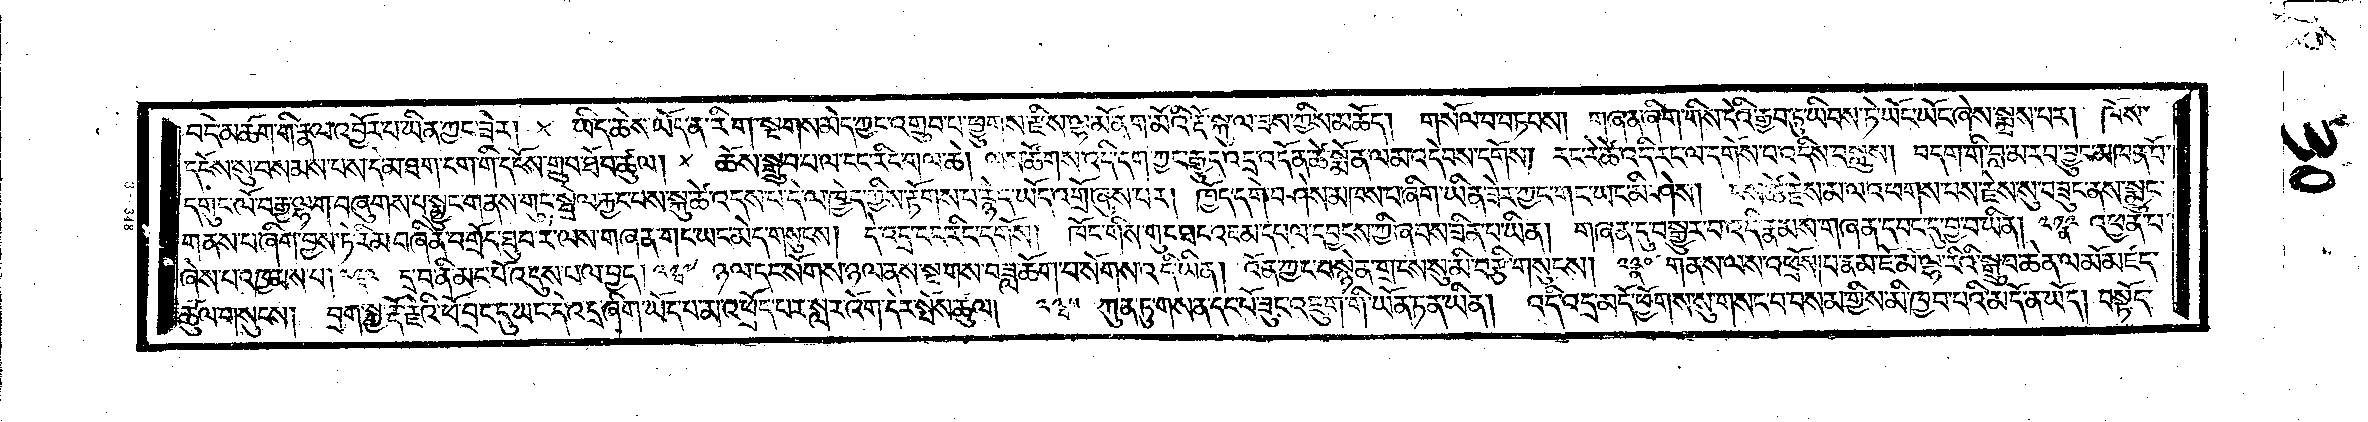བདེ་མཆོག་གི་རྣལ་འབྱོར་བ་ཡིན་ཀྱང་ཟེར། ྾་ཡིད་ཆེས་ཡོད་ན་རིག་སྔགས་མེད་ཀྱང་འགྲུབ་པ་ཕྱུགས་རྫིས་ལྷ་མོ་ནག་མོའི་རྡོ་སྐུ་ལ་ཟས་ཀྱིས་མཆོད། གསོལ་བ་བཏབས། གཞན་ཞིག་གིས་དེའི་རྒྱབ་ཏུ་ཡིབས་ཏེ་ཡོང་ཡོང་ཞེས་སྨྲས་པར། ཁོས་
དངོས་སུ་བསམས་པས་དེ་མ་ཐག་ངག་གི་དངོས་གྲུབ་ཐོབ་ཚུལ། ྾་ཆོས་སྒྲུབ་པ་ལ་ངང་རིང་གལ་ཆེ། ལས་ཚོགས་འདི་དག་ཀྱང་རྒྱུད་འདྲ་འདོན་ཚེ་སྨོན་ལམ་འདེབས་དགོས། རང་རེ་ཚེ་འདི་རང་ལ་དགོས་པ་འདིས་བསླུས། བདག་གི་བླ་མ་རབ་བྱུང་མཁན་པོ་
དགུང་ལོ་བརྒྱ་ལྷག་བཞུགས་པ་སྨྱུང་གནས་གུང་སྦྲེལ་རྐྱང་པས་སྐུ་ཚེ་འདས་པ་དེ་ལ་ཁྱེད་ཀྱིས་རྟོགས་པ་རྙེད་ཡོད་འགྲོ་ཞུས་པར། ཁྱོད་དགེ་བཤེས་མཁས་པ་ཞིག་ཡིན་ཟེར་ཀྱང་གང་ཡང་མི་ཤེས། ངས་ཚེ་རྗེས་མ་ལ་འཕགས་པས་རྗེས་སུ་བཟུང་ནས་མྱུང་
གནས་པ་ཞིག་བྱས་ཏེ་རིམ་བཞིན་བགྲོང་ཐུབ་རེ་ལས་གཞན་གང་ཡང་མེད་གསུངས། དེ་འདྲ་ནང་རིང་དགོས། ཁོང་གིས་གུང་ཐང་འཇམ་དཔལ་དབྱངས་ཀྱི་ཞབས་ཟིན་པ་ཡིན། གཞན་དུ་བསྒྱུར་བ་འདི་རྣམས་གཞན་དབང་དུ་བྱ་བ་ཡིན། ༢༡༢་འཕྱན་པ་
ཞེས་པ་འཁྱམས་པ། ༢༢༢་དྲ་བ་ནི་མང་པོ་འདུས་པ་ལ་བྱད། ༢༡༧་ཉལ་དང་སོགས་ཉལ་ནས་སྔགས་བཟླ་ཆོག་པ་སོགས་འདི་ཡིན། འོན་ཀྱང་བསྙེན་གྲངས་སུ་མི་བརྩི་གསུངས། ༢༢༠་གནས་ལས་འཕྲོས། པ་རྣམ་ཇོ་མོ་ལྷ་རིའི་སྒྲུབ་ཆེན་ལ་མོ་མཛད་
ཚུལ་གསུངས། བྲག་སྒྱ་རྡོ་རྗེའི་ཕོ་བྲང་དུ་ཡང་དེ་འདྲ་ཞིག་ཡོད་པ་མ་འཕྲོད་པར་སླར་འོག་དེར་སྤོས་ཚུལ། ༢༢༥་ཀུན་ཏུ་གསན་དང་པོ་ཟུང་འཇུག་གི་ཡོན་ཏན་ཡིན། འདི་འདྲ་མདོ་ཕྱོགས་སུ་གསང་བ་བསམས་གྱིས་མི་ཁྱབ་པའི་མདོ་ན་ཡོད། བསྟོད་